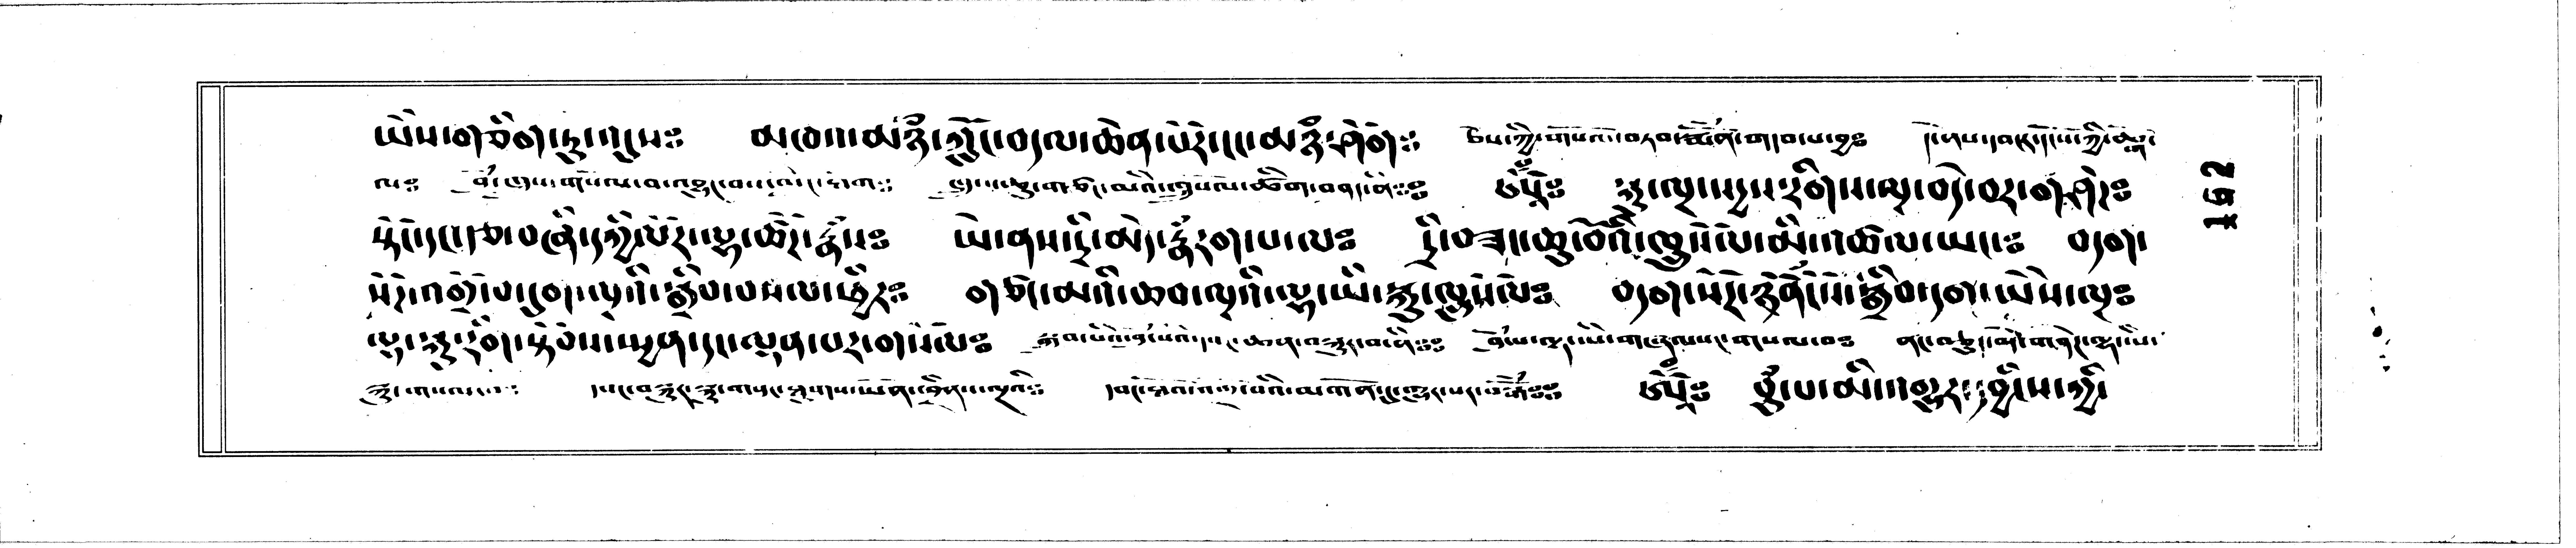ཡེ་ཤེས་གཅིག་ཏུ་འདུསཿ མཁའ་མཉམ་ཀློང་བདལ་ཆེན་པོར་ངང་མཉམ་ཤོགཿ ཅེས་ཀྱི་གསོལ་བཏབ་སྨོན་ལམ་གདབ་པ་བྱཿ དེ་ནས་དབང་སྐུར་དངོས་ཀྱི་ཆོ་ག་
ལཿ བུམ་ཁྲུས་གསོལ་བ་འབྱུང་བས་མེ་ལོང་ཐོགསཿ ཁྲུས་ཆུ་གཙང་མའི་ཁྲུས་གསོལ་ཚིག་བཤད་ནིཿ ཨཱོྃ་སྐུ་ལྔ་སངས་རྒྱས་རིགས་ལྔ་བེ་བར་གཤེགསཿ 
སྟོང་དང་རྩ་བཞི་དཀྱིལ་འཁོར་ལྷ་ཚོགས་རྣམསཿ ཡེ་ནས་དྲི་མེད་རྣམ་པར་དག་པ་ལཿ དྲི་བཟང་ཆུ་བོས་ཁྲུས་གསོལ་མི་འཚལ་ཡངཿ བདག་
སོགས་འགྲོ་བ་དུག་ལྔའི་སྒྲིབ་བསལ་ཕྱིརཿ གཙང་མའི་ཆབ་ལྔའི་ལྷ་ཡིས་སྐུ་ཁྲུས་གསོལཿ བདག་སོགས་ཉོན་མོངས་སྒྲིབ་དག་ཡེ་ཤེས་ལྔཿ 
ལྷ་སྐུ་རིག་སྟོབས་སྤྱན་དང་ལྡན་པར་གསོལཿ སྒྲུབ་པའི་བུམ་པའི་དབང་ཆེན་བསྐུར་བ་ནིཿ བུམ་པ་ལྷ་ཡི་གཞལ་ཡས་ཁང་གསལ་བཿ ནང་བཅུད་བདེར་གཤེགས་ལྷ་ཡི་
སྐུར་གསལ་བཿ དབང་སྐུར་སྐུ་གསུང་ཐུགས་ཡོན་ཕྲིན་ལས་ལྔའིཿ དབང་ཐོབ་འགྲོ་བའི་མགོན་དུ་གྱུར་པར་བསྒོམཿ ཨཱོྃཿ བུམ་པ་མི་འགྱུར་དབྱིངས་ཀྱི་